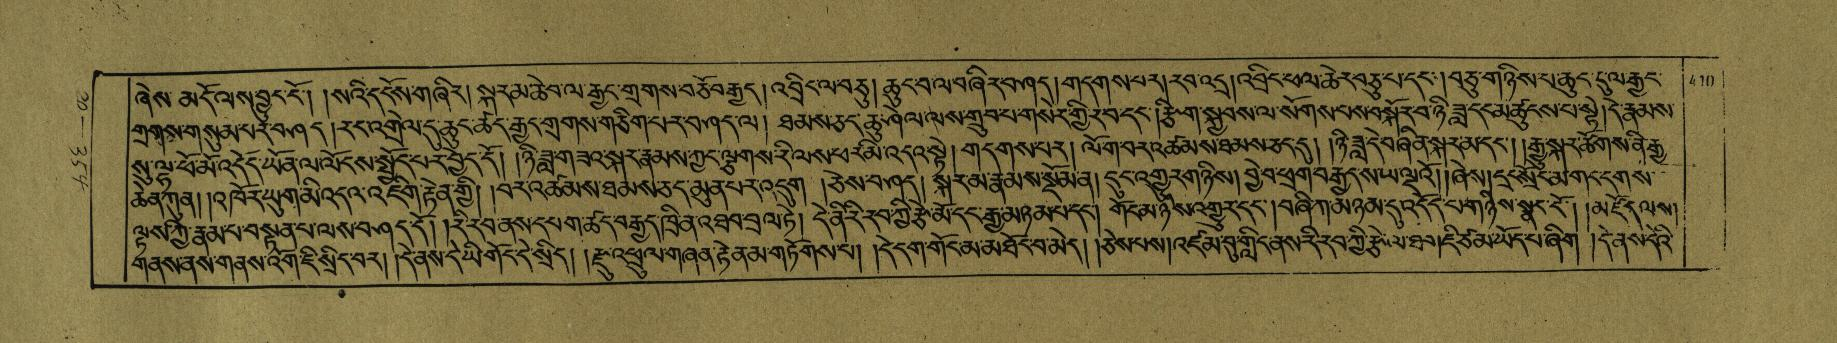ཞེས་མདོ་ལས་བྱུང་ངོ། །སའི་དངོས་གཞིར། སྐར་མ་ཆེབ་ལ་རྒྱང་གྲགས་བཅོ་བརྒྱད། འབྲིང་ལ་བཅུ། ཆུང་བ་ལ་བཞིར་བཤད། གདགས་པར། རབ་འདྲ། འབྲིང་ཕལ་ཆེར་བཅུ་པ་དང་། བཅུ་གཉིས་པ་ཆུང་དུ་ལ་རྒྱང་
གྲགས་གསུམ་པར་བཤད། རང་འགྲེལ་དུ་ཆུང་ཚད་རྒྱད་གྲགས་གཅིག་པར་བཤད་ལ། ཐམས་ཅད་ཆུ་ཤེལ་ལས་གྲུབ་པ་གསེར་གྱི་ར་བ་དང་། རྩིག་སྐྱབས་ལ་སོགས་པས་བསྐོར་བ་ཉི་ཟླ་དང་མཚུངས་པ་སྟེ། དེ་རྣམས་
སུ་ལྷ་ཕོ་མོ་འདོད་ཡོན་ལ་ལོངས་སྤྱོད་པར་བྱེད་དོ། །ཉི་ཟླ་གཟའ་སྐར་རྣམས་ཀྱང་ལྕགས་རི་ལས་ཕར་མི་འདའ་སྟེ། གདགས་པར། ལོ་ག་བར་འཚམས་ཐམས་ཅད་དུ། །ཉི་ཟླ་དེ་བཞིན་སྐར་མ་དང་། །རྒྱུ་སྐར་ཚོགས་ནི་རྒྱ་
ཆེན་ཀུན། །འཁོར་ཡུག་མི་འདའ་འཇིག་རྟེན་གྱི། །བར་འཚམས་ཐམས་ཅད་མུན་པར་འདུག །ཅེས་བཤད། སྐར་མ་རྣམས་སྡོམ་ན། དུང་འགྱུར་གཉིས། བྱེ་བ་ཕྲག་བརྒྱད་ས་ཡ་ལྔའོ། །ཞེས། དྲང་སྲོང་མ་གང་དགས་
ལྟས་ཀྱི་རྣམ་པ་བསྟན་པ་ལས་བཤད་དོ། །རི་རབ་ནས་དཔག་ཚད་བརྒྱད་ཁྲི་ན་འཐབ་བྲལ་ཏེ། དེ་ནི་རི་རབ་ཀྱི་རྩེ་མོ་དང་རྒྱ་མཉམ་པ་དང་། གོང་མ་ཉིས་འགྱུར་དང་། བཞི་ཀ་མཉམ་དུ་འདོད་པ་གཉིས་སྣང་ངོ། །མཛོད་ལས།
གནས་ནས་གནས་འོག་ཇི་སྲིད་བར། །དེ་ནས་དེ་ཡི་གོང་དེ་སྲིད། །རྫུ་འཕྲུལ་གཞན་རྟེན་མ་གཏོགས་པ། །དེ་དག་གོང་མ་མཐོང་བ་མེད། །ཅེས་པས། འཛམ་བུ་གླིང་ནས་རི་རབ་ཀྱི་རྩེ་ལ་ཐབ། ཇི་ཙམ་ཡོད་པ་ཞིག །དེ་ནས་དེའི་